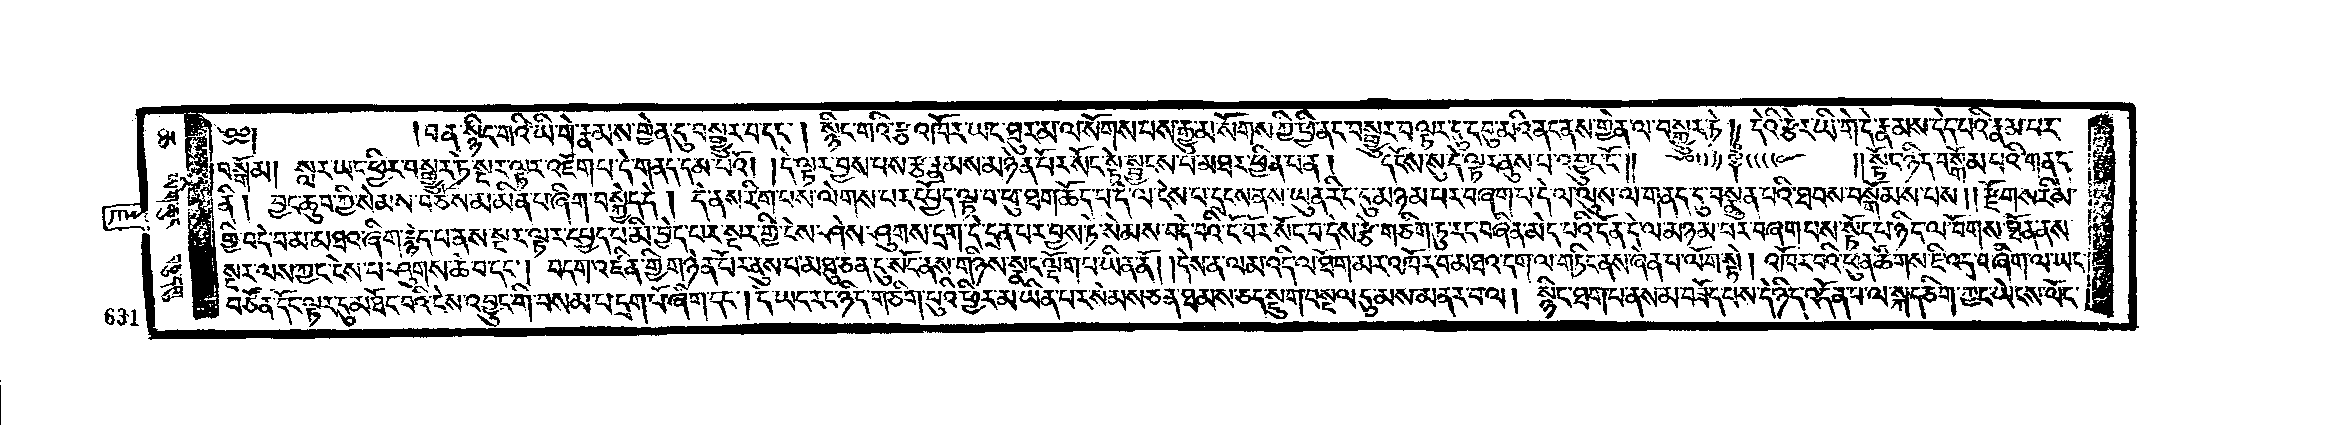༄༅། །བ་ན་སྙིང་གའི་ཡི་གེ་རྣམས་གྱེན་དུ་བསྒྱུར་བ་དང་། སྙིང་གའི་རྩ་འཁོར་ཡང་ཐུར་མ་ལ་སོགས་པས་རྒྱུ་མ་སོགས་ཀྱི་ཕྱི་ནང་བསྒྱུར་བ་ལྟར་དུ་དབུ་མའི་ནང་ནས་གྱེན་ལ་བསྒྱུར་ཏེ། དེའི་རྩེར་ཡི་གེ་དེ་རྣམས་དེད་པའི་རྣམ་པར་
བསྒོམ། སླར་ཡང་ཕྱིར་བསྒྱུར་ཏེ་སྔར་ལྟར་འཇོག་པ་དེ་གནད་དམ་པའོ། །དེ་ལྟར་བྱས་པས་རྩ་རྣམས་མཉེན་པོར་སོང་སྟེ་སྦྱངས་པ་མཐར་ཕྱིན་པ་ན། དངོས་སུ་དེ་ལྟར་ནུས་པ་འབྱུང་ངོ།། ༈ །།སྟོང་ཉིད་བསྒོམ་པའི་གནད་
ནི། བྱང་ཆུབ་ཀྱི་སེམས་བཅོས་མ་མིན་པ་ཞིག་བསྐྱེད་དེ། དེ་ནས་རིག་པས་ལེགས་པར་དཔྱོད་ལྟ་བ་ཕུ་ཐག་ཆོད་པ་དེ་ལ་ངེས་པ་དྲངས་ནས་ཡུན་རིང་དུ་མཉམ་པར་བཞག་པ་དེ་ལ་ལུས་ལ་གནད་དུ་བསྣུན་པའི་ཐབས་བསྒོམས་པས། །རྫོགས་རིམ་
གྱི་བདེ་བ་མ་མཐའ་ཞིག་རྙེད་པ་ནས་སྔར་ལྟར་དཔྱད་པ་མི་བྱེད་པར་སྔར་གྱི་ངེས་ཤེས་ཤུགས་དྲག་དེ་དྲན་པར་བྱས་ཏེ་སེམས་བདེ་བའི་ངོ་བོར་སོང་བ་དེས་རྩེ་གཅིག་ཏུ་རང་བཞིན་མེད་པའི་དོན་དེ་ལ་མཉམ་པར་བཞག་པས་སྟོང་པ་ཉིད་ལ་བོགས་ཐོན་ནས་
སྔར་ལས་ཀྱང་ངེས་པ་ཤུགས་ཆེ་བ་དང་། བདག་འཛིན་གྱི་གཉེན་པོར་ནུས་པ་མཐུ་ཅན་དུ་སོང་ནས་གཉིས་སྣང་ལྡོག་པ་ཡིན་ནོ། །དེས་ན་ལམ་འདི་ལ་ཐོག་མར་འཁོར་བ་མཐའ་དག་ལ་གཏིང་ནས་ཞེན་པ་ལོག་སྟེ། འཁོར་བའི་ཕུན་ཚོགས་ཇི་འདྲ་བ་ཞིག་ལ་ཡང་
བཙོན་དོང་ལྟར་དུ་མཐོང་བའི་ངེས་འབྱུང་གི་བསམ་པ་དྲག་པོ་ཞིག་དང་། དེ་ཡང་རང་ཉིད་གཅིག་པུའི་ཕྱིར་མ་ཡིན་པར་སེམས་ཅན་ཐམས་ཅད་སྡུག་བསྔལ་དུ་མས་མནར་བ་ལ། སྙིང་ཐག་པ་ནས་མ་བཟོད་པས་དེ་ཉིད་འདོན་པ་ལ་སྐད་ཅིག་ཀྱང་ཡེངས་ལོང་